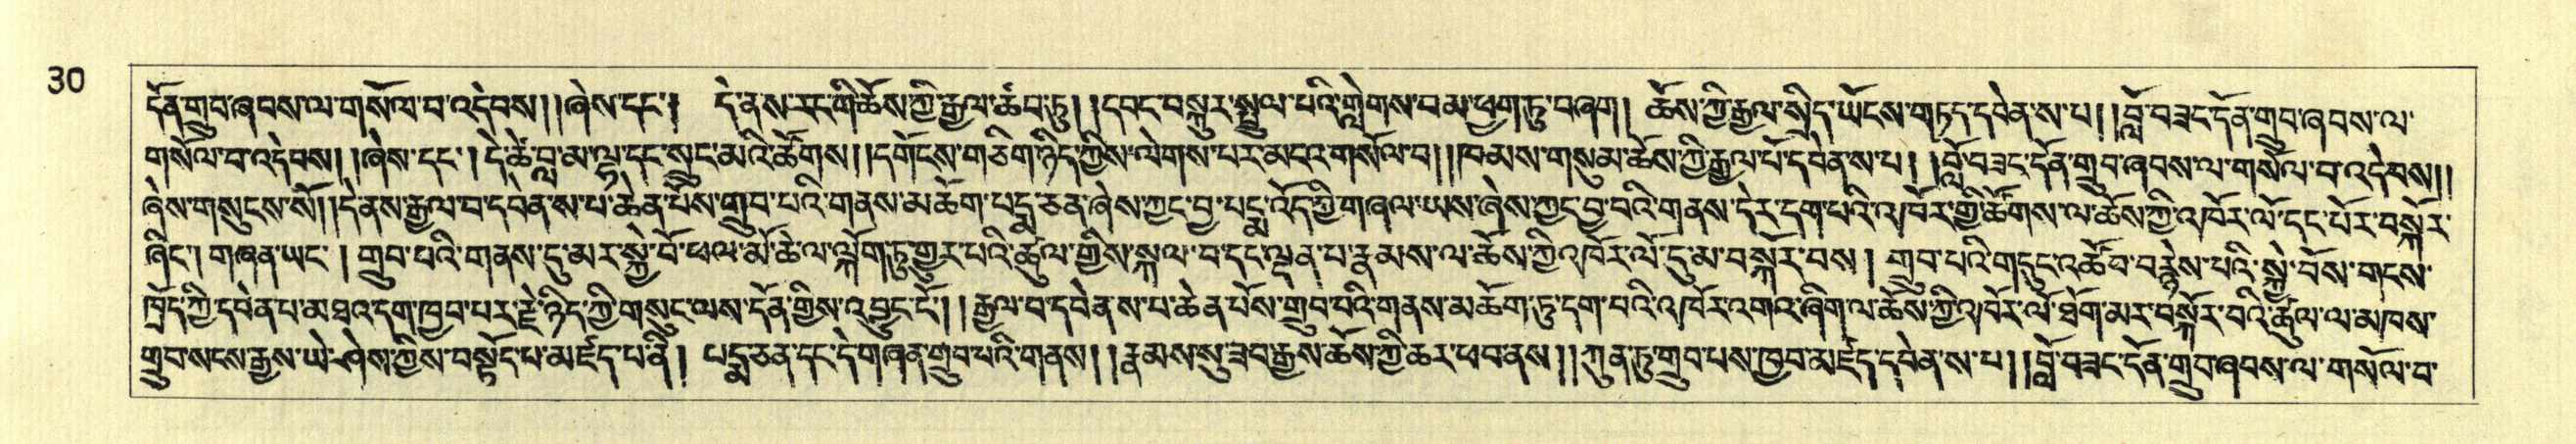དོན་གྲུབ་ཞབས་ལ་གསོལ་བ་འདེབས། །ཞེས་དང་། དེ་ནས་རང་གི་ཆོས་ཀྱི་རྒྱལ་ཚབ་ཏུ། །དབང་བསྐུར་སྤྲུལ་པའི་གླེགས་བམ་ཕྱག་ཏུ་བཞག། ཆོས་ཀྱི་རྒྱལ་སྲིད་ཡོངས་གཏད་དབེན་ས་པ། །བློ་བཟང་དོན་གྲུབ་ཞབས་ལ་
གསོལ་བ་འདེབས། །ཞེས་དང་།དེ་ཚེ་བླ་མ་ལྷ་དང་སྲུང་མའི་ཚོགས། །དགོངས་གཅིག་ཉིད་ཀྱིས་ལེགས་པར་མངའ་གསོལ་བ། །ཁམས་གསུམ་ཆོས་ཀྱི་རྒྱལ་པོ་དབེན་ས་པ། །བློ་བཟང་དོན་གྲུབ་ཞབས་ལ་གསོལ་བ་འདེབས།
ཞེས་གསུངས་སོ། །དེ་ནས་རྒྱལ་བ་དབེན་ས་པ་ཆེན་པོས་གྲུབ་པའི་གནས་མཆོག་པདམ་ཅན་ཞེས་ཀྱང་བྱ་པདམ་འོད་ཀྱི་གཞལ་ཡས་ཞེས་ཀྱང་བྱ་བའི་གནས་དེར་དག་པའི་འཁོར་གྱི་ཚོགས་ལ་ཆོས་ཀྱི་འཁོར་ལོ་དང་པོར་བསྐོར་
ཞིང་། གཞན་ཡང་། གྲུབ་པའི་གནས་དུ་མར་སྐྱེ་བོ་ཕལ་མོ་ཆེ་ལ་ལྐོག་ཏུ་གྱུར་པའི་ཚུལ་གྱིས་སྐལ་བ་དང་ལྡན་པ་རྣམས་ལ་ཆོས་ཀྱི་འཁོར་ལོ་དུ་མ་བསྐོར་བས། གྲུབ་པའི་གདུང་འཚོབ་བརྙེས་པའི་སྐྱེ་བོས་གངས་
ཁྲོད་ཀྱི་དབེན་པ་མཐའ་དག་ཁྱབ་པར་རྗེ་ཉིད་ཀྱི་གསུང་ལས་དོན་གྱིས་འབྱུང་ངོ། །རྒྱལ་བ་དབེན་ས་པ་ཆེན་པོས་གྲུབ་པའི་གནས་མཆོག་ཏུ་དག་པའི་འཁོར་འགའ་ཞིག་ལ་ཆོས་ཀྱི་འཁོར་ལོ་ཐོག་མར་བསྐོར་བའི་ཚུལ་ལ་མཁས་
གྲུབ་སངས་རྒྱས་ཡེ་ཤེས་ཀྱིས་བསྟོད་པ་མཛད་པ་ནི། པདམ་ཅན་དང་དེ་གཞན་གྲུབ་པའི་གནས། །རྣམས་སུ་ཟབ་རྒྱས་ཆོས་ཀྱི་ཆར་ཕབ་ནས། །ཀུན་ཏུ་གྲུབ་པས་ཁྱབ་མཛད་དབེན་ས་པ། །བློ་བཟང་དོན་གྲུབ་ཞབས་གསོལ་བ་